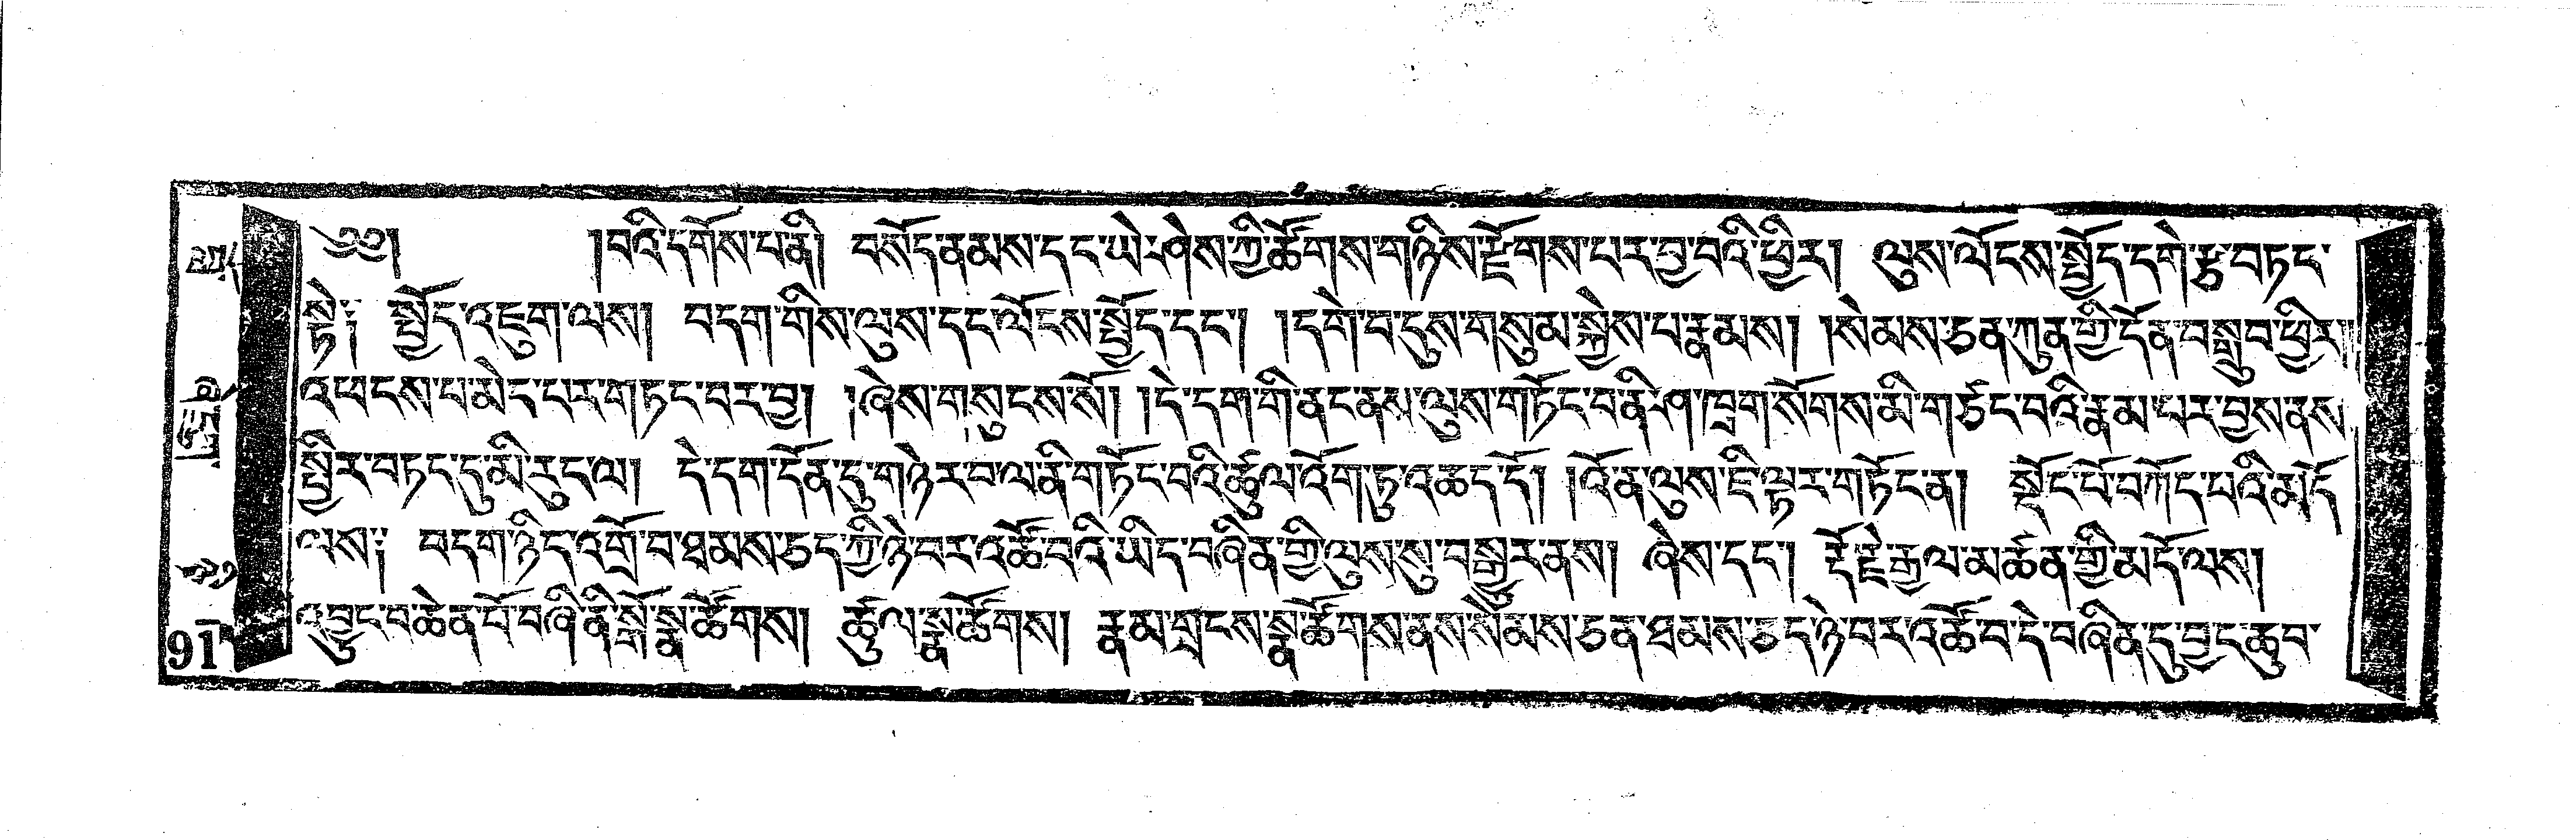༄༅། །བའི་དགོས་པ་ནི། བསོད་ནམས་དང་ཡེ་ཤེས་ཀྱི་ཚོགས་གཉིས་རྫོགས་པར་བྱ་བའི་ཕྱིར། ལུས་ལོངས་སྤྱོད་དགེ་རྩ་བཏང་
སྟེ༑ སྤྱོད་འཇུག་ལས། བདག་གིས་ལུས་དང་ལོངས་སྤྱོད་དང་། །དགེ་བ་དུས་གསུམ་སྐྱེས་པ་རྣམས། །སེམས་ཅན་ཀུན་གྱི་དོན་བསྒྲུབ་ཕྱིར། །
འཕངས་པ་མེད་པར་གཏང་བར་བྱ། །ཞེས་གསུངས་སོ། །དེ་དག་གི་ནང་ནས་ལུས་གཏོང་བ་ནི་ཤ་ཁྲག་སོགས་མི་གཙང་བའི་རྣམ་པར་བྱས་ནས་
སྤྱིར་བཏང་དུ་མི་རུང་ལ། དེ་དག་དོན་དུ་གཉེར་བ་ལ་ནི་གཏོང་བའི་ཚུལ་འོག་ཏུ་འཆད་དོ། །འོ་ན་ལུས་ཇི་ལྟར་གཏོང་ན། སྡོང་པོ་བཀོད་པའི་མདོ་
ལས༑ བདག་ཉིད་འགྲོ་བ་ཐམས་ཅད་ཀྱི་ཉེ་བར་འཚོ་བའི་ཡིད་བཞིན་གྱི་ལུས་སུ་བསྒྱུར་ནས། ཞེས་དང་། རྡོ་རྗེ་རྒྱལ་མཚན་གྱི་མདོ་ལས།
འབྱུང་བ་ཆེན་པོ་བཞི་ནི་སྒོ་སྣ་ཚོགས། ཚུལ་སྣ་ཚོགས། རྣམ་གྲངས་སྣ་ཚོགས་ནས་སེམས་ཅན་ཐམས་ཅད་ཉེ་བར་འཚོ་བ་དེ་བཞིན་དུ་བྱང་ཆུབ་